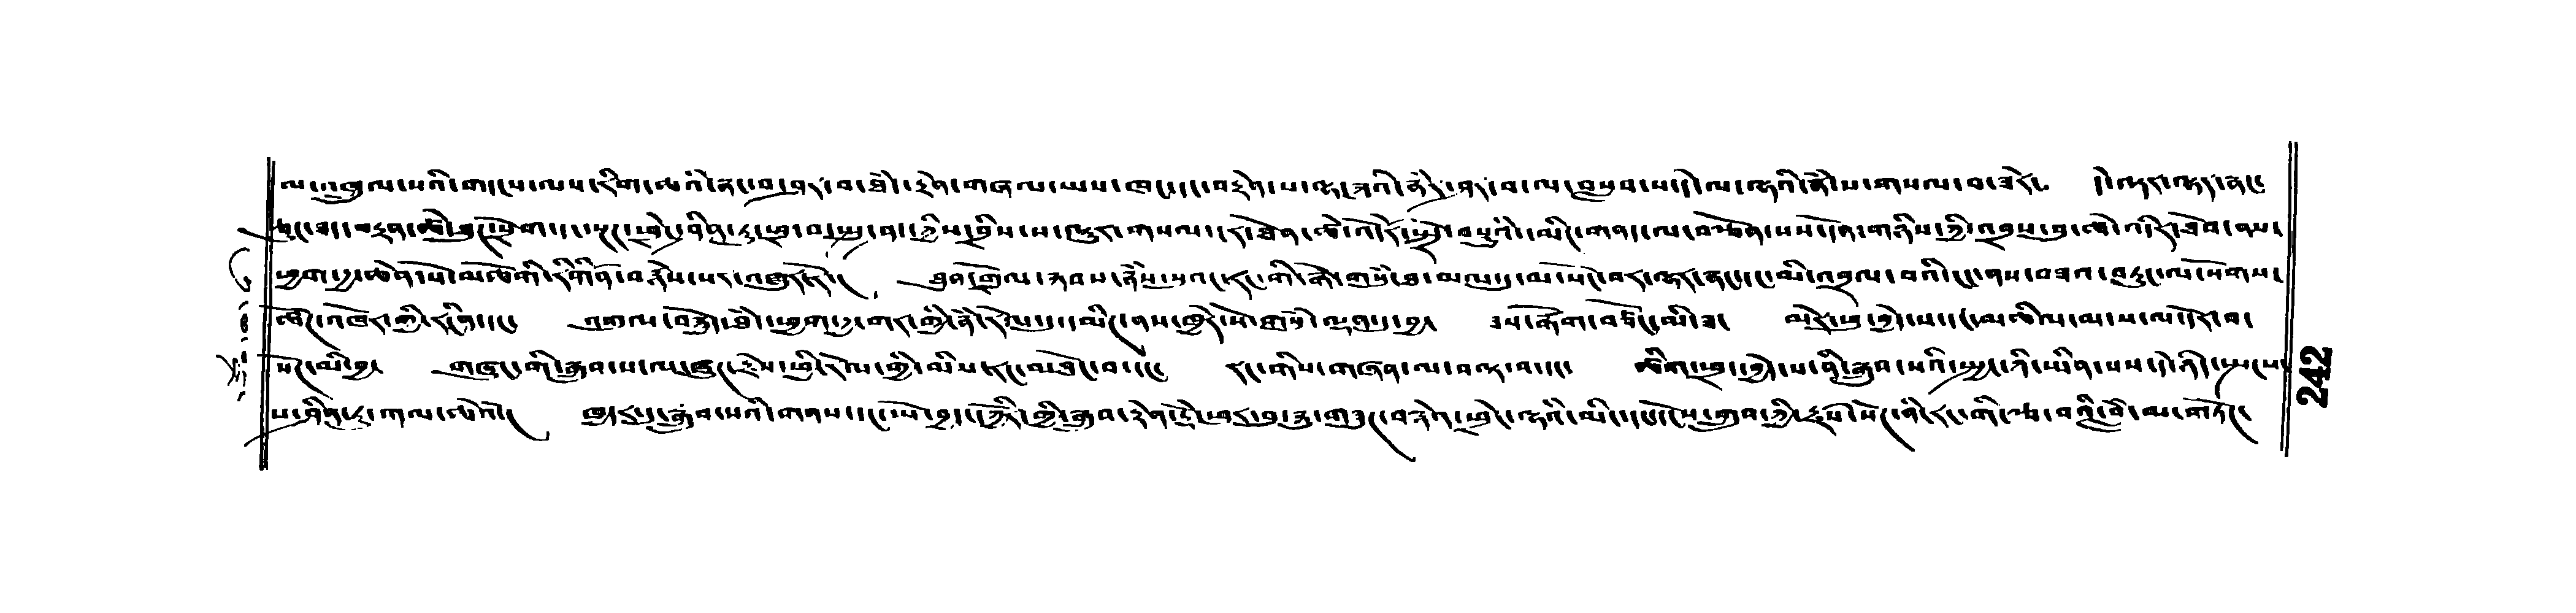མ་འཁྲུལ་པའི་གདངས་ལས་རིག་ཆའི་སྣང་བ་ཤར་བ་ཐམས་ཅད་རྟེན་གཞལ་ཡས་ཁང་དང་བརྟེན་པ་ལྷ་སྐུའི་རྣམ་པར་ཤར་བ་ལ་བསླབ་པ་དེ་ལ་ལྷའི་རྣམ་པ་གསལ་བ་ཟེར། དེ་ལྟར་ལྷར་སྣང་
ཅུང་ཟད་བརྟན་ཚེ་ཐུགས་སྲོག་དང་སྔགས་ཕྲེང་ཤིན་ཏུ་ཕྲ་བ་སྤུ་ཤད་ཀྱིས་བྲིས་པ་ལྟ་བུར་གསལ་ངར་ཐོན་ཚེ་འོད་ཟེར་སྤྲོ་བསྡུའི་དམིགས་གནད་ལ་བརྩོན་པས་དོན་གཉིས་ཀྱི་འབྲས་བུ་ཚེ་འདིར་ཐོབ་ནས་
ཕྱག་རྒྱ་ཆེན་པོ་མཆོག་གི་རིག་འཛིན་བརྙེས་པར་འགྱུར་རོ། ཐུན་གྲོལ་སྐབས་རྣམས་སུའང་རང་གི་སྒོ་གསུམ་ཐ་མལ་དུ་མ་སོང་བར་ལྷར་སྣང་དང་མི་འབྲལ་བའི་ངང་ནས་བཟའ་བཏུང་ལ་སོགས་
ཚོགས་འཁོར་གྱི་རང་བཞིན་དང་། འགུལ་བསྐྱོད་ཐམས་ཅད་ཕྱག་རྒྱ་གར་གྱི་རྣམ་རོལ་དུ་དམིགས་ནས་ཁྱེར་སོ་གསུམ་ལྡན་དུ་བྱ། ཟས་རྒོག་བཙོང་མི་ཟ། མེར་ཕུ་བྱེད་པ་དང་མཆིལ་མ་ས་ལ་དོར་བ་
སོགས་མི་བྱ། གཞུང་གི་སྒྲུབ་པ་ལ་ཞུགས་རྗེས་ཕྱི་རོལ་གྱི་མིས་རང་མཐོང་བ་དང་། རང་གིས་གཞན་ལ་བལྟ་བ་དང་། ཚིག་ཕྲད་བྱེད་པ་ནི་སྒྲུབ་པའི་སྤྱང་ཀི་ཡིན་པས་དེ་ཉིད་སྤོང་
པ་ཤིན་ཏུ་གལ་ཆེའོ། ཁྱད་པར་དུ་སྒྲུབ་པའི་གནས་དང་ཡོ་བྱད་དཀྱིལ་འཁོར་གྱི་སྒྲུབ་རྟེན་རྡོ་རྗེ་ཕུར་བུ་སྐུ་གཟུགས་བསྙེན་ཕྲེང་ལྷའི་མིང་དང་དངོས་གྲུབ་ཀྱི་རྫས་སོགས་ནི་རང་གི་རྩ་བའི་བླ་མ་མ་གཏོགས་